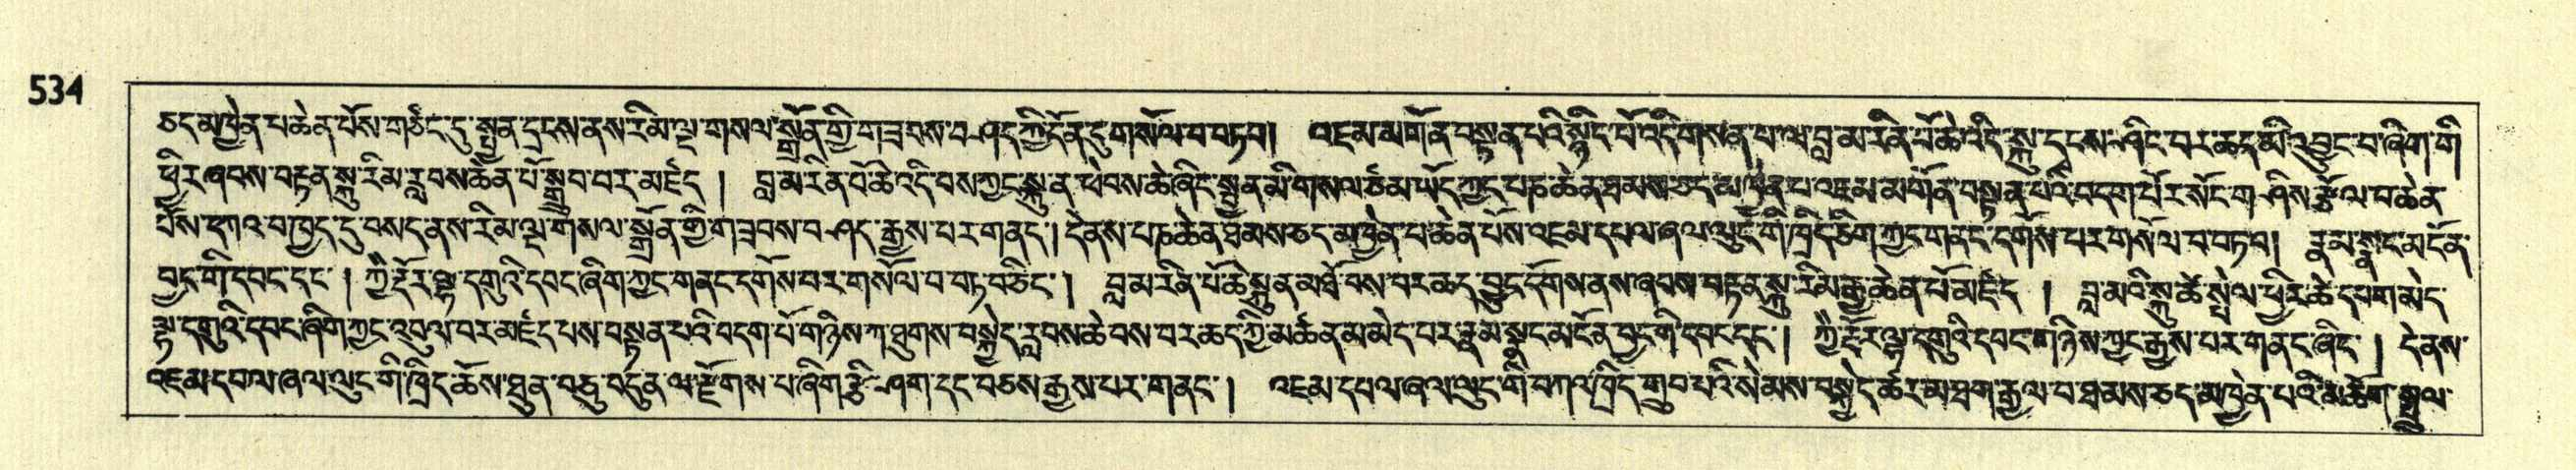ཅད་མཁྱེན་པ་ཆེན་པོས་གཙང་དུ་སྤྱན་དྲངས་ནས་རིམ་ལྔ་གསལ་སྒྲོན་གྱི་གཟབས་བཤད་ཀྱི་དོན་དུ་གསོལ་བ་བཏབ། འཇམ་མགོན་བསྟན་པའི་སྙིང་པོ་འདི་གསན་པ་ལ་བླ་མ་རིན་པོ་ཆེ་འདི་སྐུ་དྭངས་ཤིང་བར་ཆད་མི་འབྱུང་བ་ཞིག་གི་
ཕྱིར་ཞབས་བརྟན་སྐུ་རིམ་རླབས་ཆེན་པོ་སྒྲུབ་པར་མཛད། བླ་མ་རིན་པོ་ཆེ་འདི་བས་ཀྱང་སྐུ་ན་ཕེབས་ཆེ་ཞིང་སྤྱན་མི་གསལ་ཙམ་ཡོད་ཀྱང་པཎ་ཆེན་ཐམས་ཅད་མཁྱེན་པ་འཇམ་མགོན་བསྟན་པའི་བདག་པོར་སོང་གཤིས་རྩོལ་བ་ཆེན་
པོས་དཀའ་བ་ཁྱད་དུ་བསད་ནས་རིམ་ལྔ་གསལ་སྒྲོན་གྱི་གཟབས་བཤད་རྒྱས་པར་གནད། དེ་ནས་པཎ་ཆེན་ཐམས་ཅད་མཁྱེན་པ་ཆེན་པོས་འཇམ་དཔལ་ཞལ་ལུང་གི་ཁྲིད་ཅིག་ཀྱང་གནང་དགོས་པར་གསོལ་བ་བཏབ། རྣམ་སྣང་མངོན་
བྱང་གི་དབང་དང་། ཀྱཻ་རྡོར་ལྷ་དགུའི་དབང་ཞིག་ཀྱང་གནང་དགོས་པར་གསོལ་བ་བཏབ་ཅིང་། བླ་མ་རིན་པོ་ཆེ་སྐུན་མཐོ་བས་བར་ཆད་བྱུང་དོགས་ནས་ཞབས་བརྟན་སྐུ་རིམ་རྒྱ་ཆེན་པོ་མཛད། བླ་མའི་སྐུ་ཚེ་སྤེལ་ཕྱིར་ཚེ་དཔག་མེད་
ལྷ་དགུའི་དབང་ཞིག་ཀྱང་འབུལ་བར་མཛད་པས་བསྟན་པའི་བདག་པོ་གཉིས་ཀ་ཐུགས་བསྐྱེད་རླབས་ཆེ་བས་བར་ཆད་ཀྱི་མཚན་མ་མེད་པར་རྣམ་སྣང་མངོན་བྱང་གི་དབང་དང་། ཀྱཻ་རྡོར་ལྷ་དགུའི་དབང་གཉིས་ཀྱང་རྒྱས་པར་གནང་ཞིང་། དེ་ནས་
འཇམ་དཔལ་ཞལ་ལུང་གི་ཁྲིད་ཆོས་ཐུན་བཅུ་བདུན་ལ་རྫོགས་པ་ཞིག་རྩི་ཤག་དང་བཅས་རྒྱས་པར་གནང་། འཇམ་དཔལ་ཞལ་ལུང་གི་བཀའ་ཁྲིད་གྲུབ་པའི་སེམས་བསྐྱེད་ཚར་མ་ཐག་རྒྱལ་བ་ཐམས་ཅད་མཁྱེན་པའི་མཆོག་སྤྲུལ་